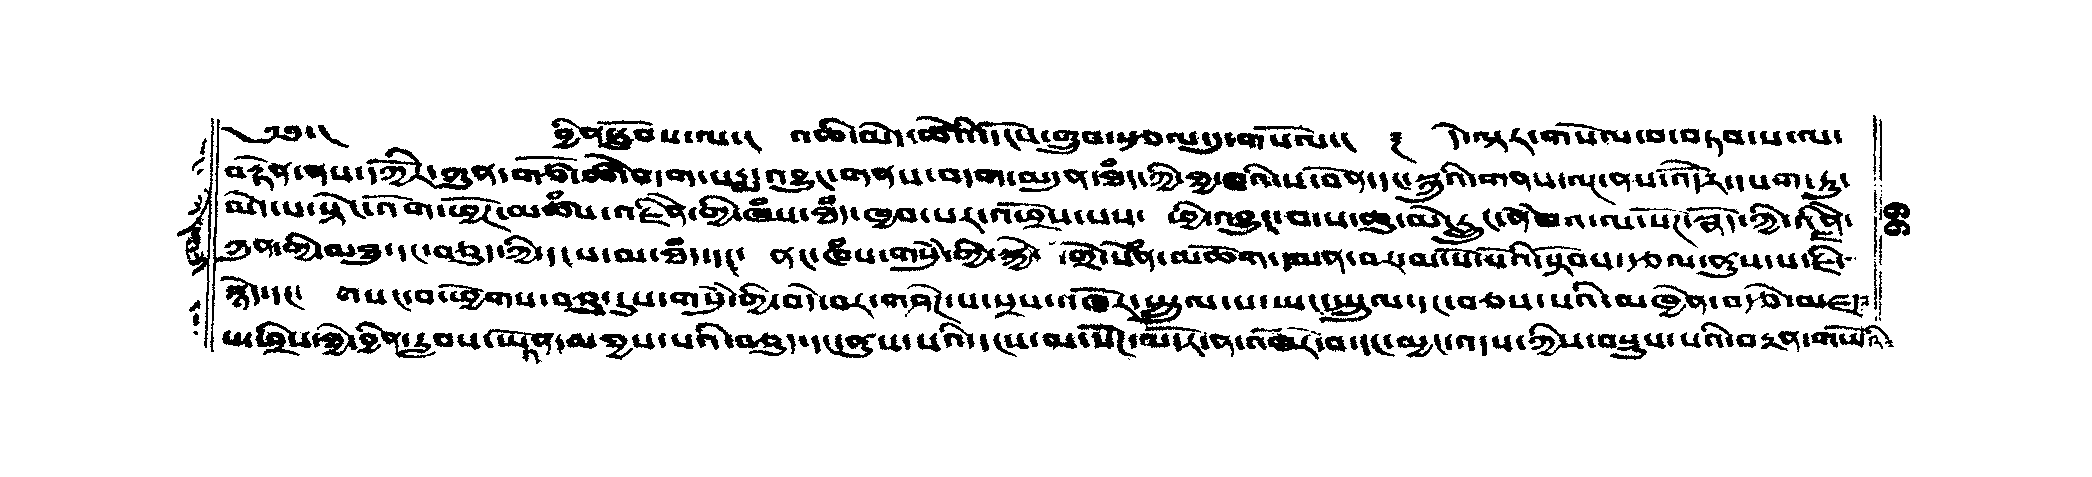བྱིན་རློབསལ། །འཆི་མེད་ཚེའི་དངོས་གྲུབ་སྩལ་དུ་གསོལ། ། ༈ དེ་ལྟར་གསོལ་བ་བཏབ་པ་ལ་
བརྟེན་ནས་དཀྱིལ་འཁོར་ཀུན་གཙོ་ཚེ་བདག་པདྨ་འབྱུང་གནས་བདག་མདུན་ཐམས་ཅད་ཀྱི་ཐུགས་ཁའི་ས་བོན་དང་སྐུའི་ནས་ལྔ་ནས་འོད་ཟེར་དཔག་ཏུ་
མེད་པ་སྟེང་འོག་ཕྱོགས་མཚམས་འཇིག་རྟེན་གྱི་ཁམས་ཐམས་ཅད་ཁྱབ་པར་འཕྲོས་པས། ཕྱི་འབྱུང་བ་ས་ཆུ་མེ་རླུང་ནམ་མཁའ་ལ་སོགས་སྣོད་ཀྱི་འཇིག་རྟེན་
ཀུན་གྱི་མཐུ་དང་བཅུད་ཀྱི་དངས་མ་ཐམས་ཅད་དང་། ནང་ཁམས་གསུམ་གྱི་སྐྱེ་འགྲོ་སེམས་ཅན་མཆོག་དམན་བར་མ་སོ་སོའི་སྟོབས་རྩལ་ནུས་པ་ཇི་
སྙེད་དང་། གསང་བ་ཕྱོགས་བཅུ་དུས་གསུམ་གྱི་བདེ་བར་གཤེགས་པ་སྲས་འཁོར་སྤྲུལ་པ་ཡང་སྤྲུལ་དང་བཅས་པའི་མཁྱེན་བརྩེ་མཛད་
པ་ཕྲིན་ལས་ཐུགས་རྗེ་བྱིན་རླབས་ཡོན་ཏན་མཐའ་ཡས་པའི་བཅུད་དང་ནུས་པའི་དངས་མ་སོགས་མདོར་ན་འཁོར་བ་དང་མྱང་འདས་ཀྱིས་བསྡུས་པའི་བརྟན་གཡོའི་